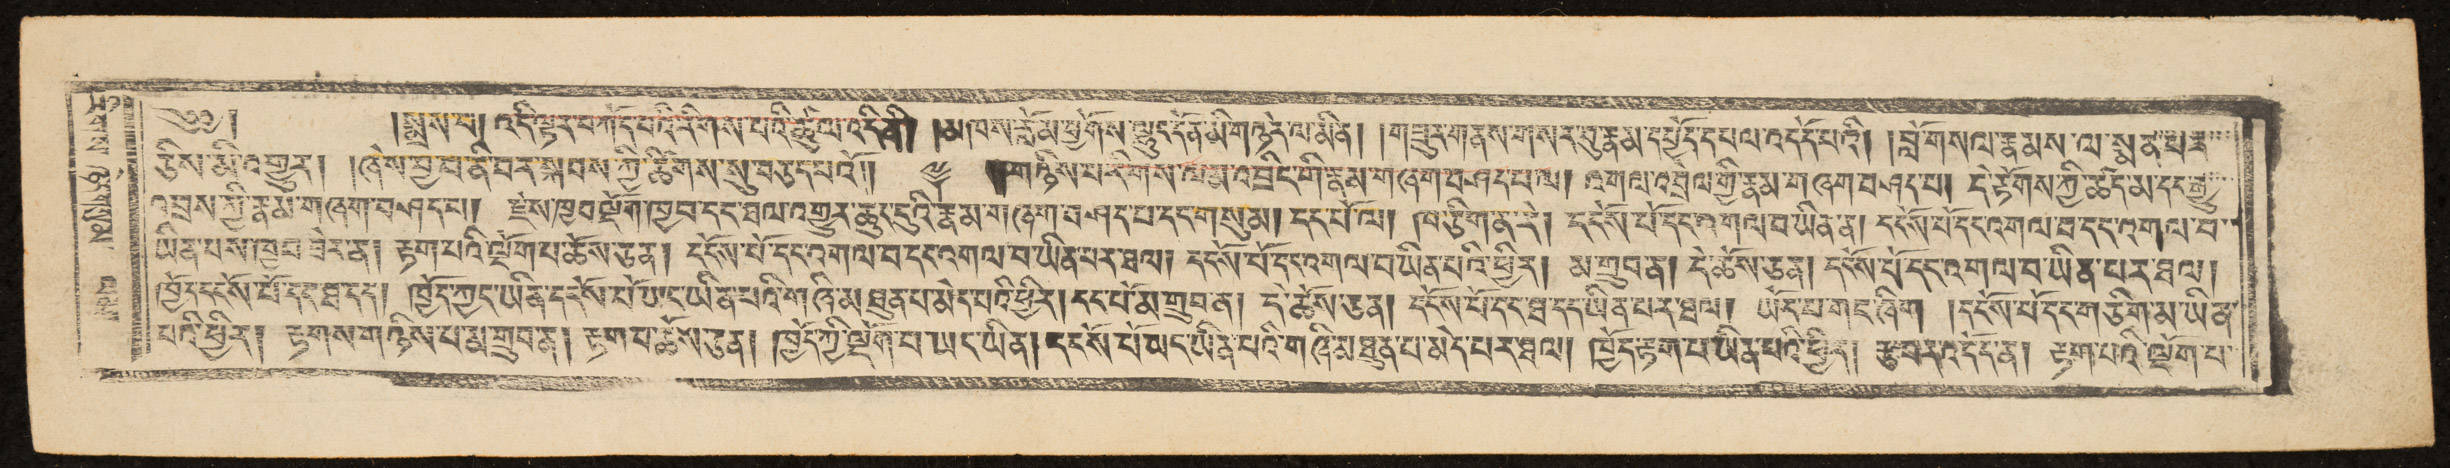༄༅། །སྨྲས་པ། འདི་ལྟར་བཀོད་པའི་རིགས་པའི་ཚུལ་འདི་ནི། །མཁས་རློམ་ཕྱོགས་ལྷུང་དོན་མི་གཉེར་ལ་མིན། །གཟུར་གནས་གསར་བུ་རྣམ་དཔྱོད་དཔལ་འདོད་པའི། །བློ་གསལ་རྣམས་ལ་སྨན་
པར་ཅིས་མི་འགྱུར། །ཞེས་བྱ་བ་ནི་བར་སྐབས་ཀྱི་ཚིགས་སུ་བཅད་པའོ།། ༈ །།གཉིས་པ་རིགས་ལམ་འབྲིང་གི་རྣམ་གཞག་བཤད་པ་ལ། འགལ་འབྲེལ་གྱི་རྣམ་གཞག་བཤད་པ། དེ་རྟོགས་ཀྱི་ཚད་མ་དང་རྒྱུ་
འབྲས་ཀྱི་རྣམ་གཞག་བཤད་པ། རྫས་གྲུབ་ལྡོག་ཁྱབ་དང་ཐལ་འགྱུར་ཆུང་ངུའི་རྣམ་གཞག་བཤད་པ་དང་གསུམ། དང་པོ་ལ། ཁ་ཅིག་ན་རེ། དངོས་པོ་དང་འགལ་བ་ཡིན་ན། དངོས་པོ་དང་འགལ་བ་དང་འགལ་བ་
ཡིན་པས་ཁྱབ་ཟེར་ན། རྟག་པའི་ལྡོག་པ་ཆོས་ཅན། དངོས་པོ་དང་འགལ་བ་དང་འགལ་བ་ཡིན་པར་ཐལ། དངོས་པོ་དང་འགལ་བ་ཡིན་པའི་ཕྱིར། མ་གྲུབ་ན། དེ་ཆོས་ཅན། དངོས་པོ་དང་འགལ་བ་ཡིན་པར་ཐལ།
ཁྱོད་དངོས་པོ་དང་ཐ་དད། ཁྱོད་ཀྱང་ཡིན་དངོས་པོ་ཡང་ཡིན་པའི་གཞི་མཐུན་པ་མེད་པའི་ཕྱིར། དང་པོ་མ་གྲུབ་ན། དེ་ཆོས་ཅན། དངོས་པོ་དང་ཐ་དད་ཡིན་པར་ཐལ། ཡོད་པ་གང་ཞིག །དངོས་པོ་དང་གཅིག་མ་ཡིན་
པའི་ཕྱིར། རྟགས་གཉིས་པ་མ་གྲུབ་ན། རྟག་པ་ཆོས་ཅན། ཁྱོད་ཀྱི་ལྡོག་པ་ཡང་ཡིན། དངོས་པོ་ཡང་ཡིན་པའི་གཞི་མཐུན་པ་མེད་པར་ཐལ། ཁྱོད་རྟག་པ་ཡིན་པའི་ཕྱིར། རྩ་བར་འདོད་ན། རྟག་པའི་ལྡོག་པ་